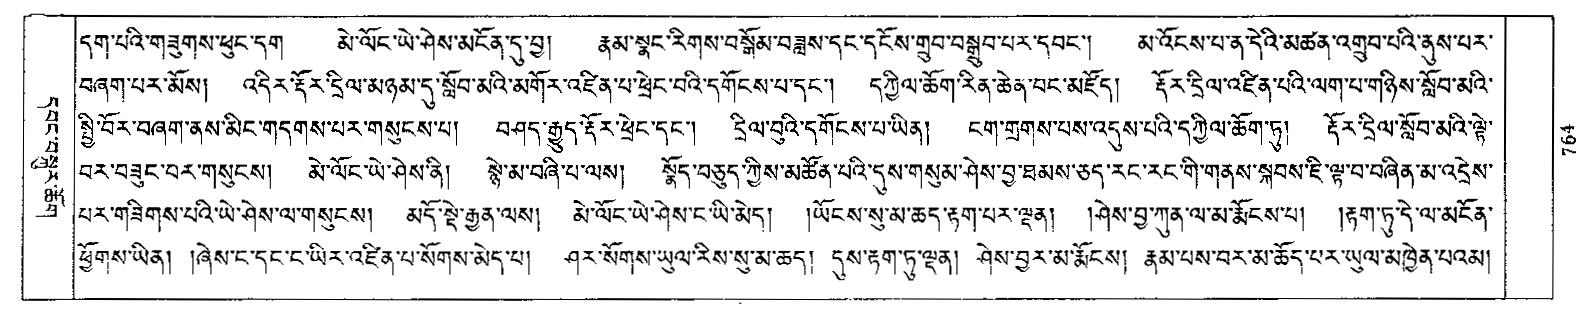དག་པའི་གཟུགས་ཕུང་དག་མེ་ལོང་ཡེ་ཤེས་མངོན་དུ་བྱ། རྣམ་སྣང་རིགས་བསྒོམ་བཟླས་དང་དངོས་གྲུབ་བསྒྲུབ་པར་དབང་། མ་འོངས་པ་ན་དེའི་མཚན་འགྲུབ་པའི་ནུས་པར་
བཞག་པར་མོས། འདིར་རྡོར་དྲིལ་མཉམ་དུ་སློབ་མའི་མགོར་འཛིན་པ་ཕྲེང་བའི་དགོངས་པ་དང་། དཀྱིལ་ཆོག་རིན་ཆེན་བང་མཛོད། རྡོར་དྲིལ་འཛིན་པའི་ལག་པ་གཉིས་སློབ་མའི་
སྤྱི་བོར་བཞག་ནས་མིང་གདགས་པར་གསུངས་པ། བཤད་རྒྱུད་རྡོར་ཕྲེང་དང་། དྲིལ་བུའི་དགོངས་པ་ཡིན། ངག་གྲགས་པས་འདུས་པའི་དཀྱིལ་ཆོག་ཏུ། རྡོར་དྲིལ་སློབ་མའི་ལྟེ་
བར་བཟུང་བར་གསུངས། མེ་ལོང་ཡེ་ཤེས་ནི། སྙེ་མ་བཞི་པ་ལས། སྣོད་བཅུད་ཀྱིས་མཚོན་པའི་དུས་གསུམ་ཤེས་བྱ་ཐམས་ཅད་རང་རང་གི་གནས་སྐབས་ཇི་ལྟ་བ་བཞིན་མ་འདྲེས་
པར་གཟིགས་པའི་ཡེ་ཤེས་ལ་གསུངས། མདོ་སྡེ་རྒྱན་ལས། མེ་ལོང་ཡེ་ཤེས་ང་ཡི་མེད། །ཡོངས་སུ་མ་ཆད་རྟག་པར་ལྡན། །ཤེས་བྱ་ཀུན་ལ་མ་རྨོངས་པ། །རྟག་ཏུ་དེ་ལ་མངོན་
ཕྱོགས་ཡིན། །ཞེས་ང་དང་ང་ཡིར་འཛིན་པ་སོགས་མེད་པ། ཤར་སོགས་ཡུལ་རིས་སུ་མ་ཆད། དུས་རྟག་ཏུ་ལྡན། ཤེས་བྱར་མ་རྨོངས། རྣམ་པས་བར་མ་ཆོད་པར་ཡུལ་མཁྱེན་པའམ།